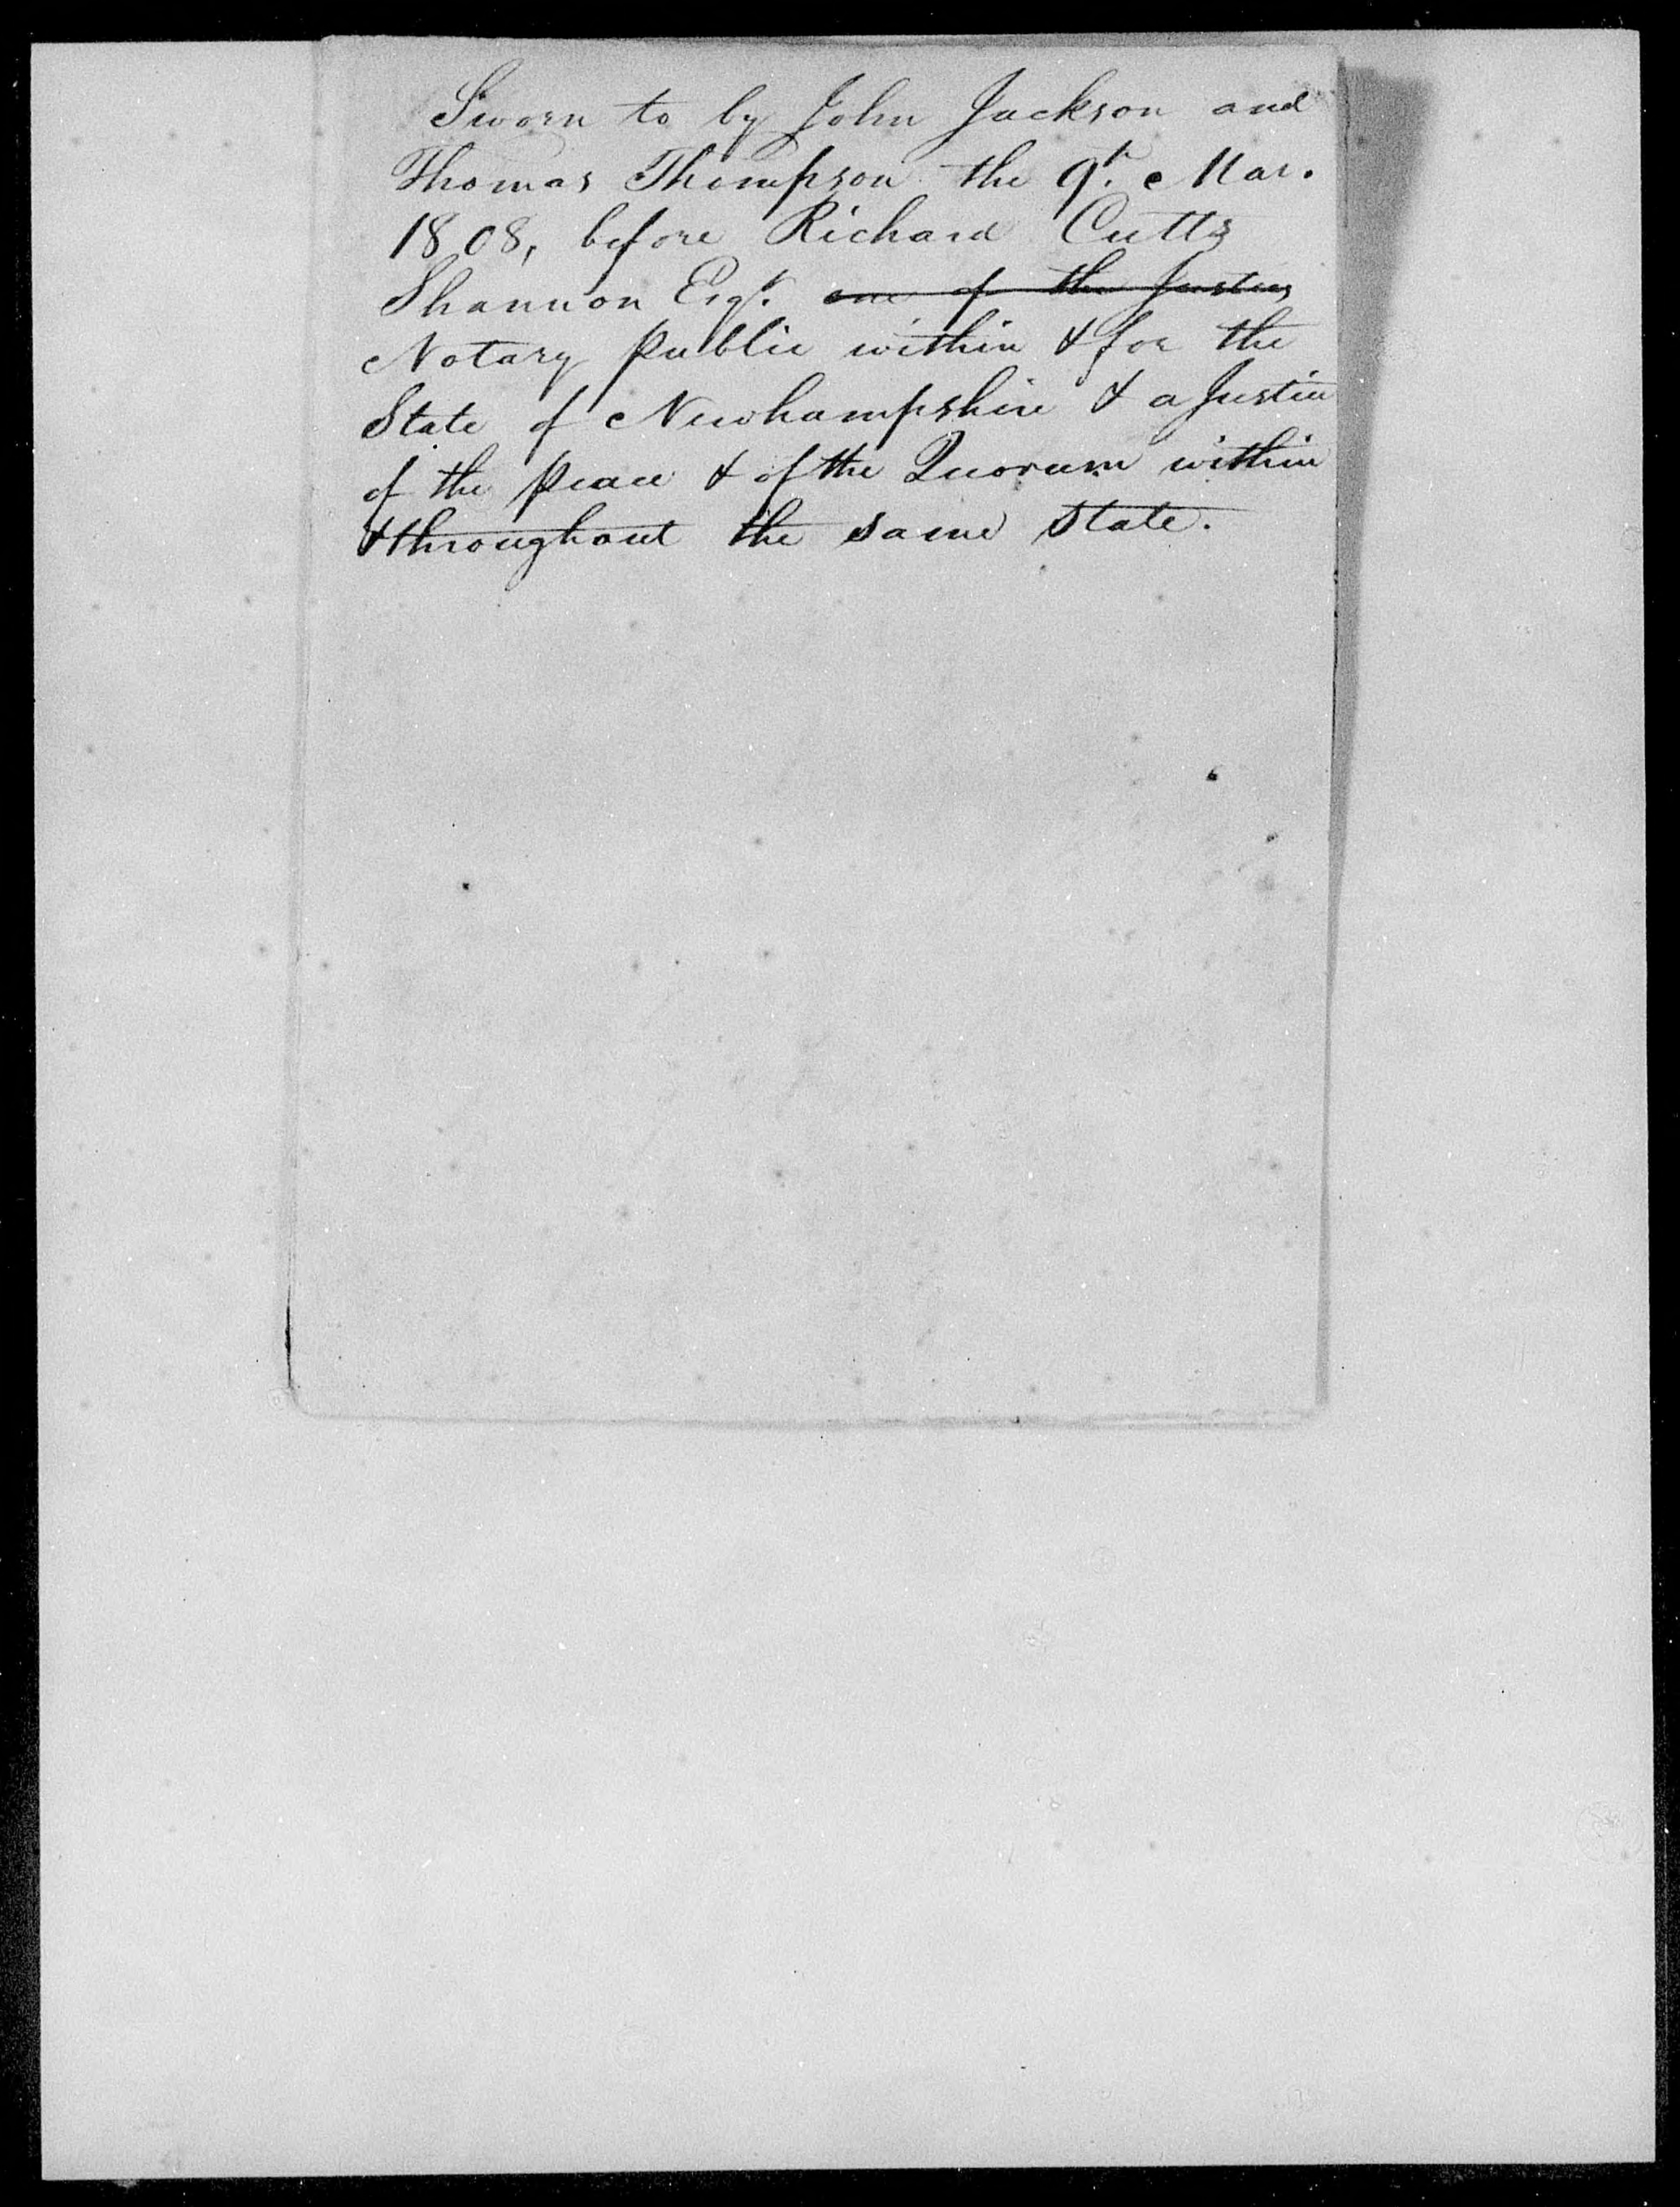Sworn to by John Jackson and Thomas Thompson the 9th Mar. 1808, before Richard Cutts Shannon Esq'r ['one of the Justices' crossed out] Notary Public within & for the State of Newhampshire & a Justice of the Peace & of the Quorum within throughout the same state.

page: 8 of 18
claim: survivor's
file: S. 41,827, for Samuel Mc Connel, Vermont